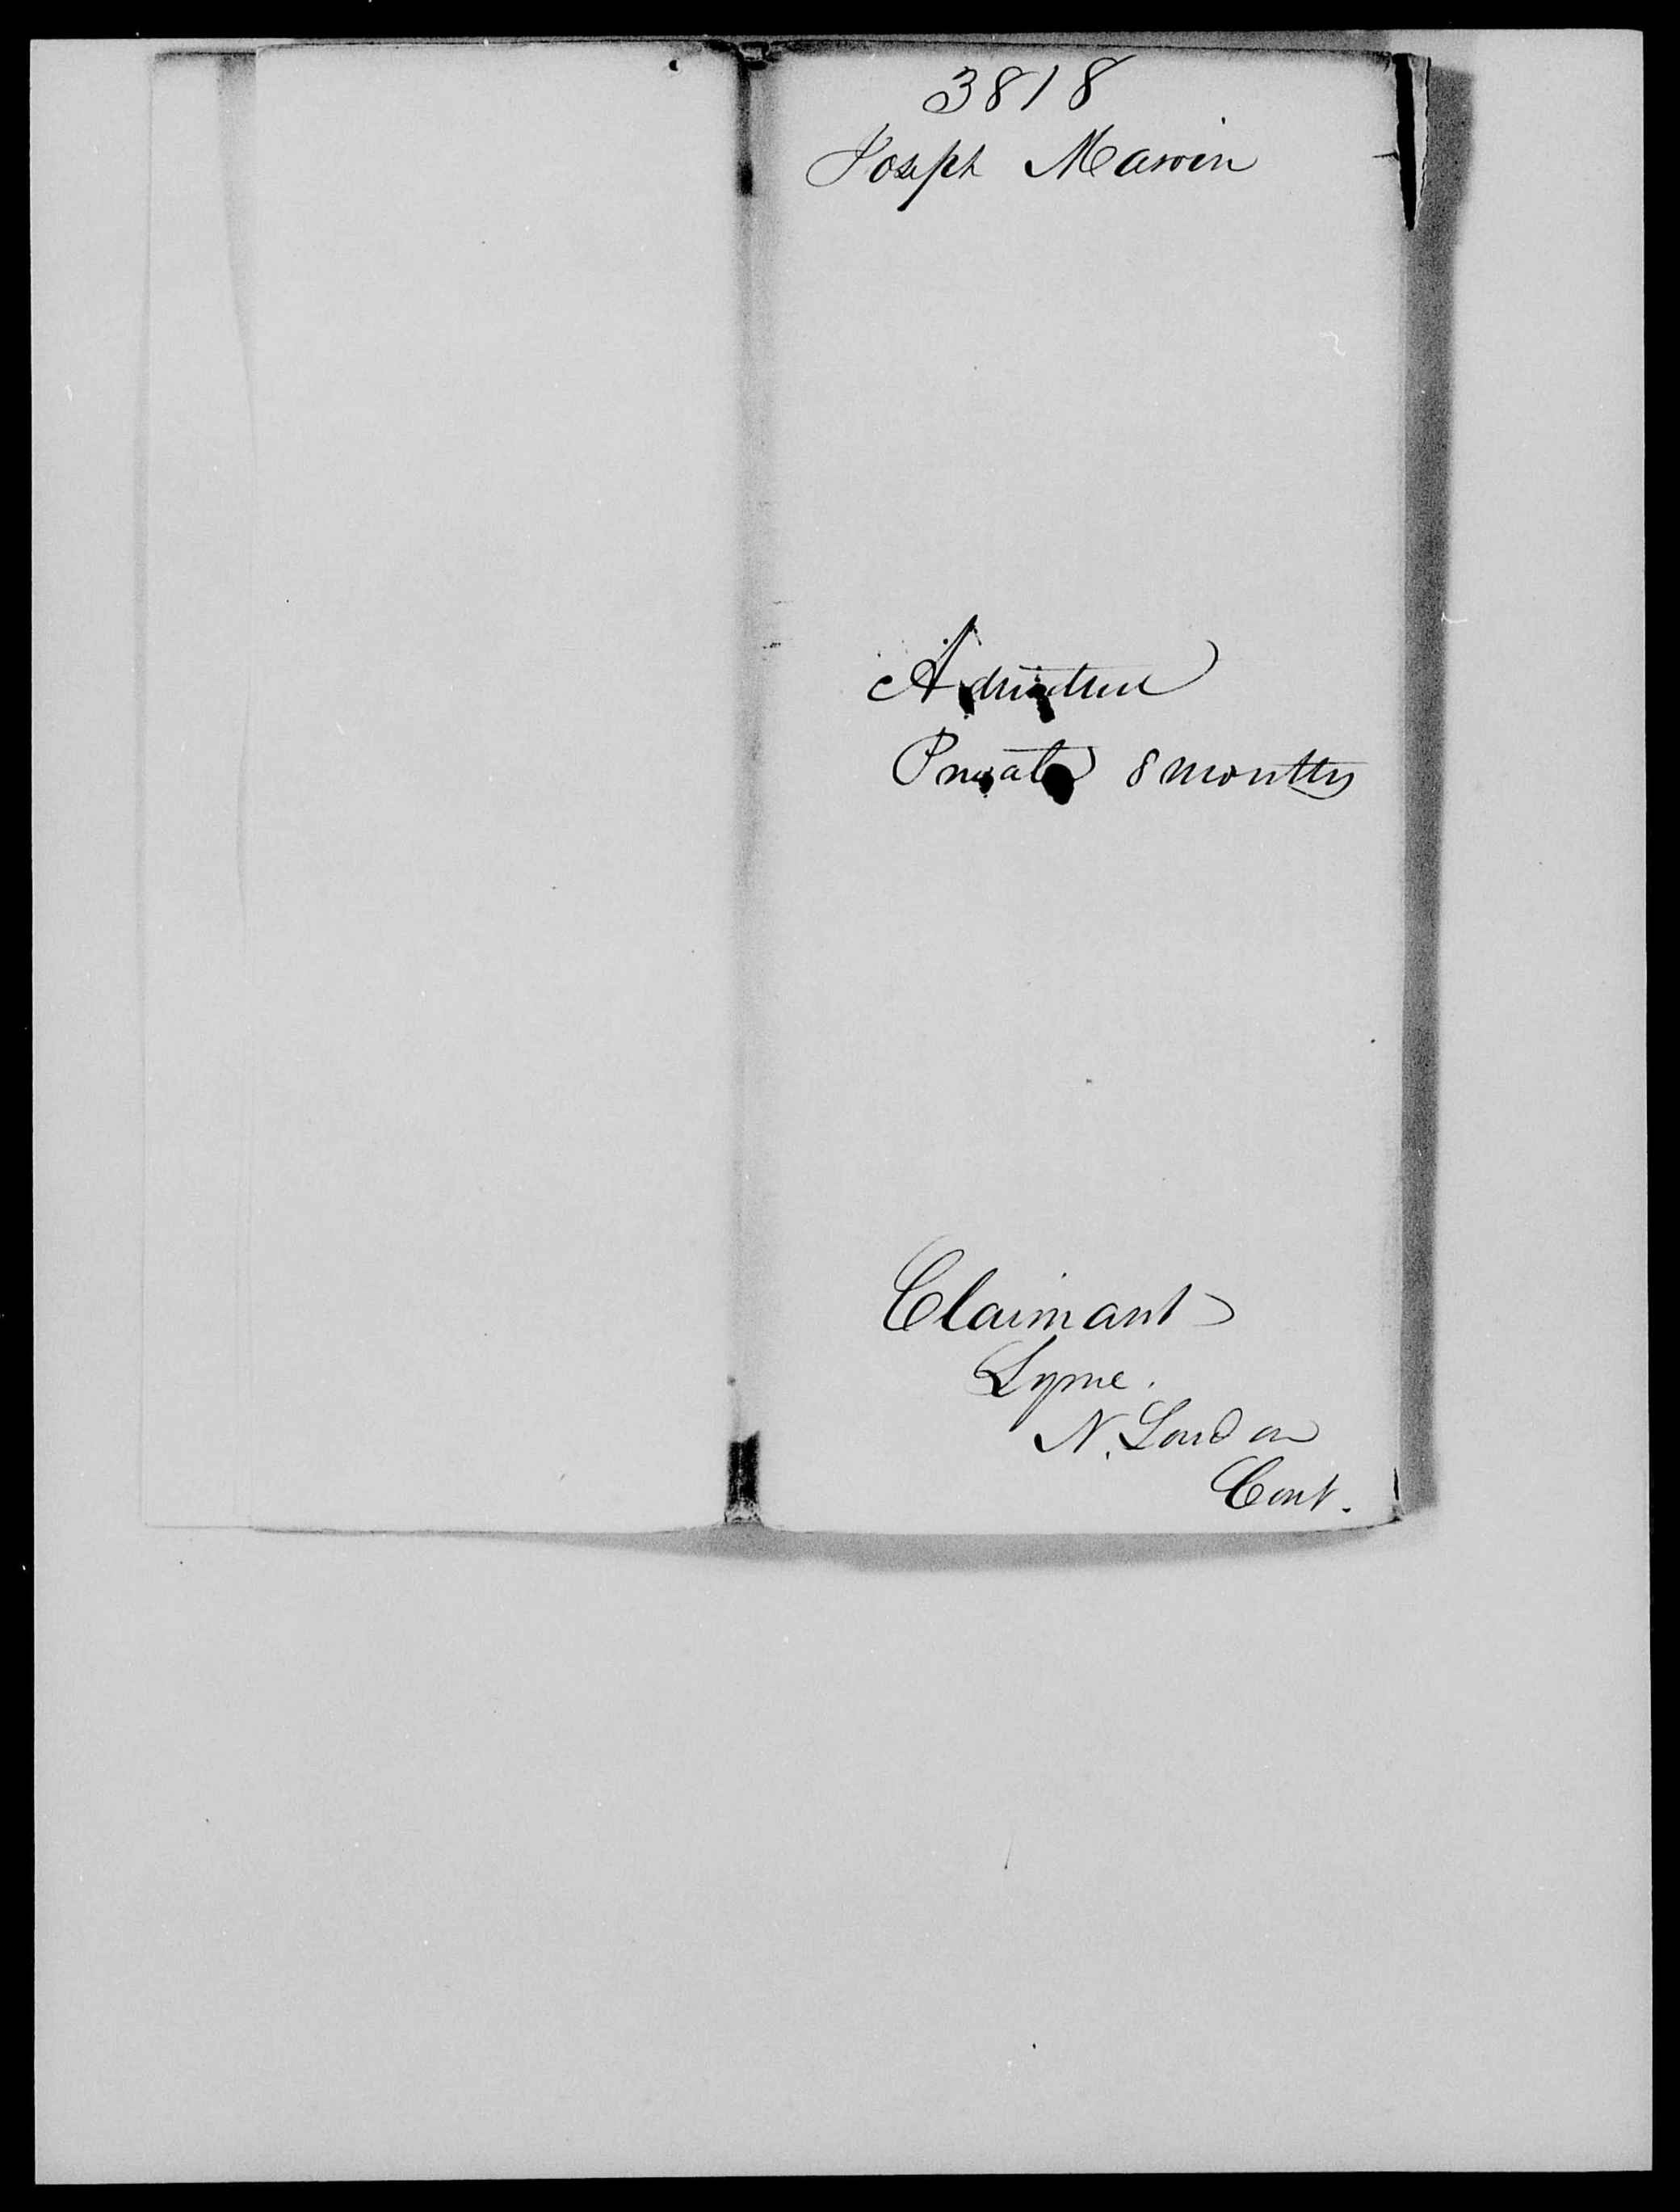3818

Joseph Marvin

Admitted
Private   8 months

Claimant
Lyme.
N. London
Cont.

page: 3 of 20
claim: survivor's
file: S. 15,516, for Joseph Marvin, Connecticut